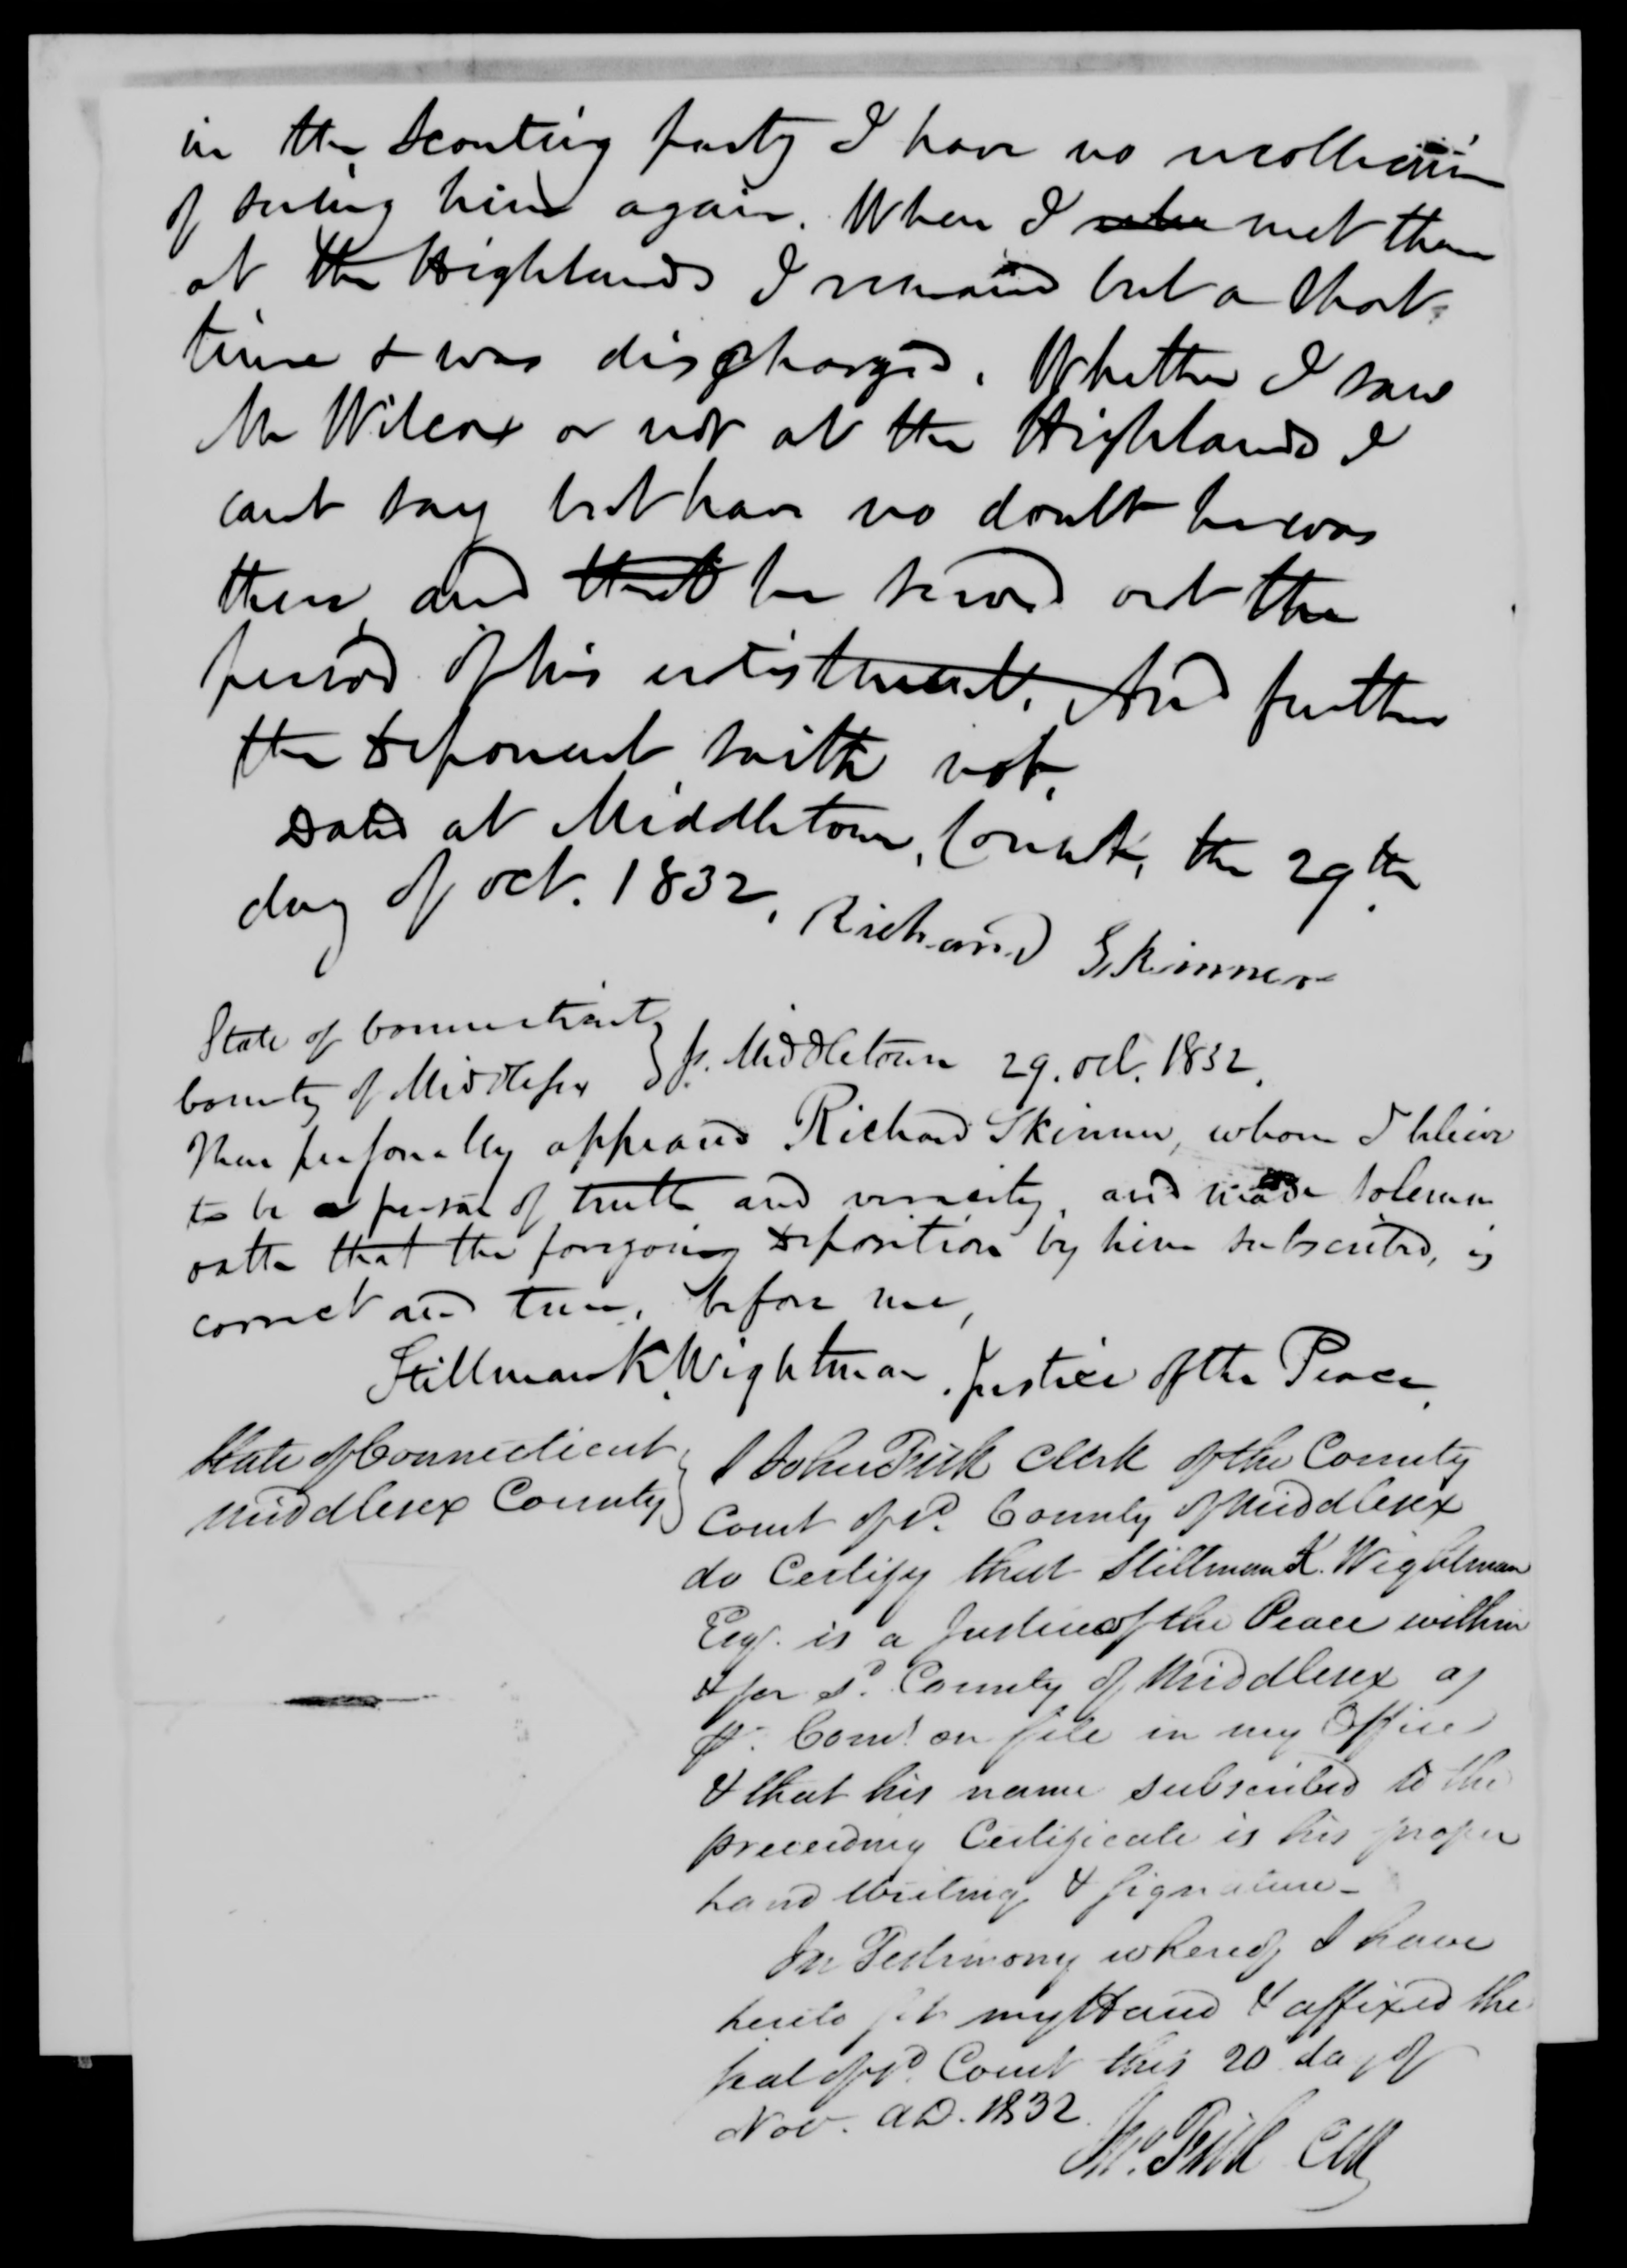in the scouting party I have no recollection of seeing him again. When I met them at the Highlands I remained but a short time & was discharged. Whether I saw Mr Wilcox or not at the Highlands I cant say but have no doubt he was there and that he served out the period of his enlistment. And further the deponant saith not.
Dated at Middletown Court the 29th day of Oct. 1832. 
Richard Skinner
State of Connecticut
County of Middlesex SS Middletown 29.oct.1832.
Thar personally appeared Richard Skinner, whom I believe to be a person of truth and veracity, and was solemn on the that the foregoing deposition by him subscribed, is correct and true. Before me,
Hillman K. Wightman, Justice of the Peace
State of Connecticut
Middlesex County
I John Fisk Clerk of the County Court of sd County of Middlesex do Certify that Hillman K Wightman Esq. is a Justice of the Peace within & for sd County of Middlesex as P. Coms on file in my Office & that his name subscribed to the preceeding Certificate is his proper hand writing & signature—
In Testimony whereof I have hereto put my hand & affixed the seal of sd Court this 20 day of Nov. AD. 1832.
Jno Fisk Clk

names: Stillman K Wightman, Richard Skinner, Wilcox, John Fisk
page: 33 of 46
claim: widow's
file: W. 18,417, James Willcox, Conn.